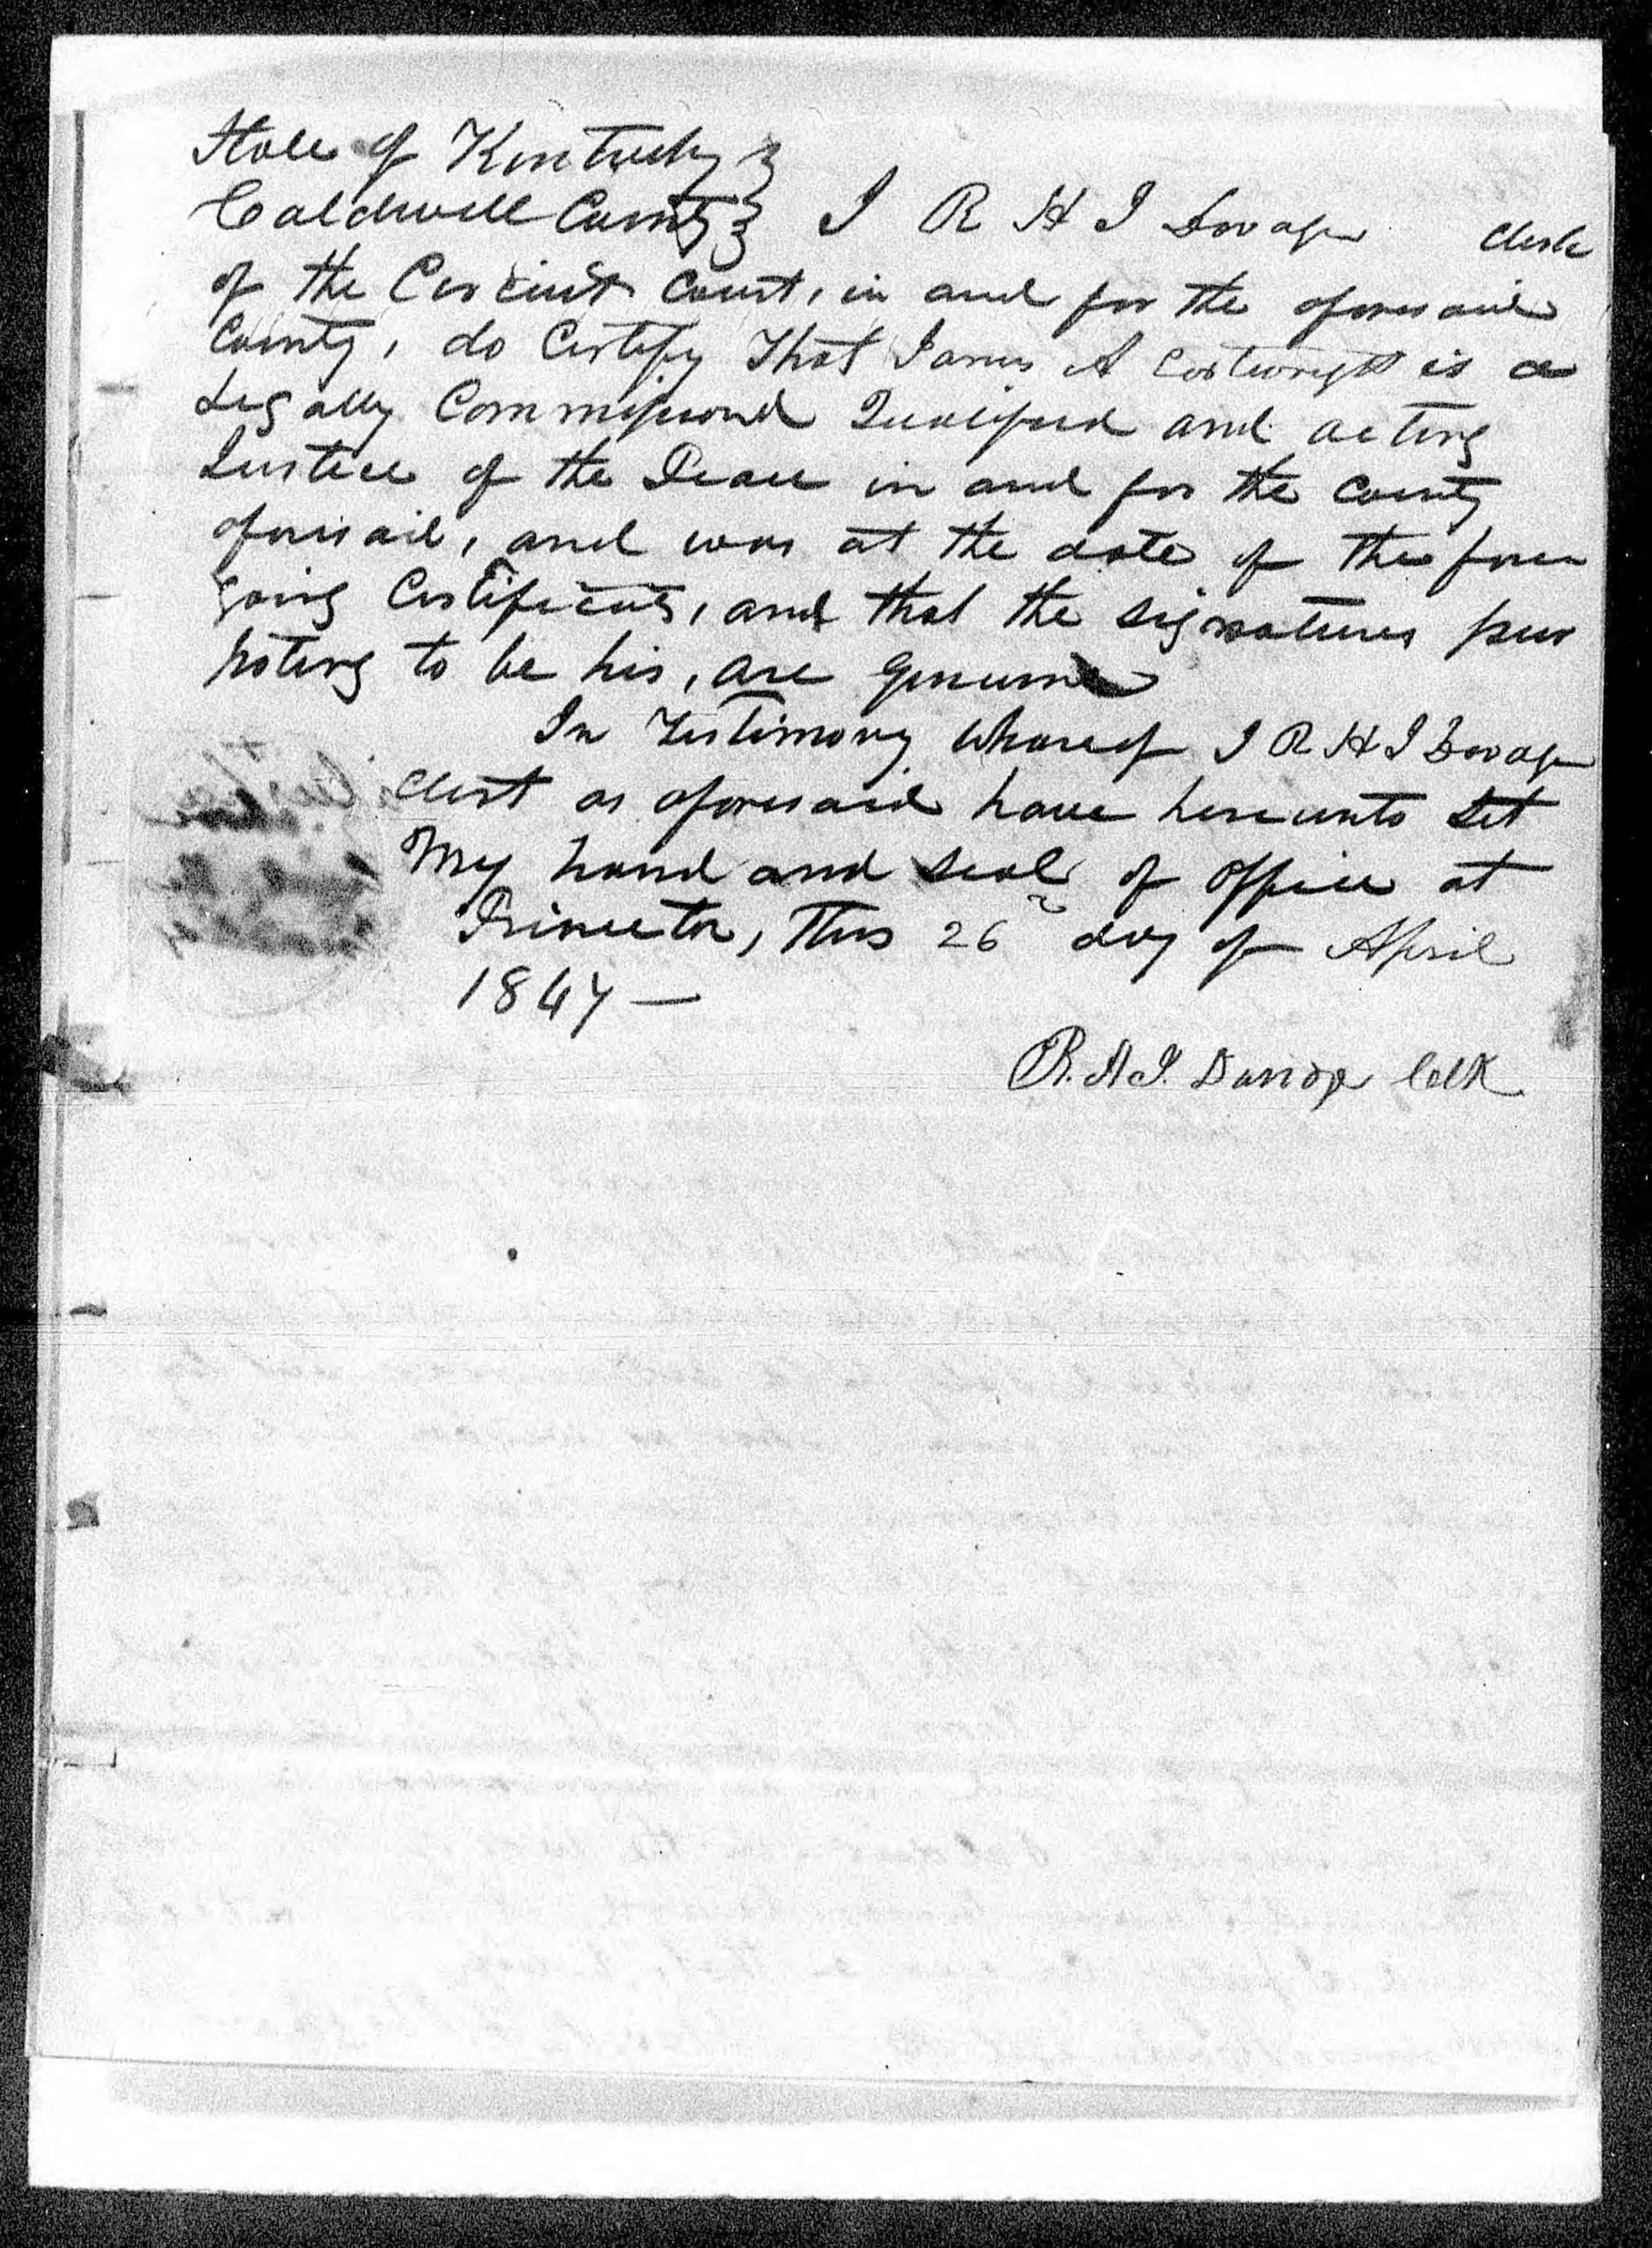State of Kentucky}
Caldwell County  }
I R H J Davage Clerk of the Circuit Court, in and for the aforesaid County, do Certify That James A Cartwright is a Legally Commissioned Qualified and acting Justice of the Peace in and for the county aforesaid, and was at the date of this foregoing certificate, and that the signatures purporting to be his, are genuine.
In Testimony whereof I, R H J Davage clert [sic] as aforesaid have hereunto Set My hand and seal of office at Princeton, This 26th day of April 1847--
R. H .J Davidge Clk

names: R H J Davage, James A Cartwright, R H J Davage, R H J Davage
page: 12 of 75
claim: widow's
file: W. 8876, Thomas Gregory, Continental Va